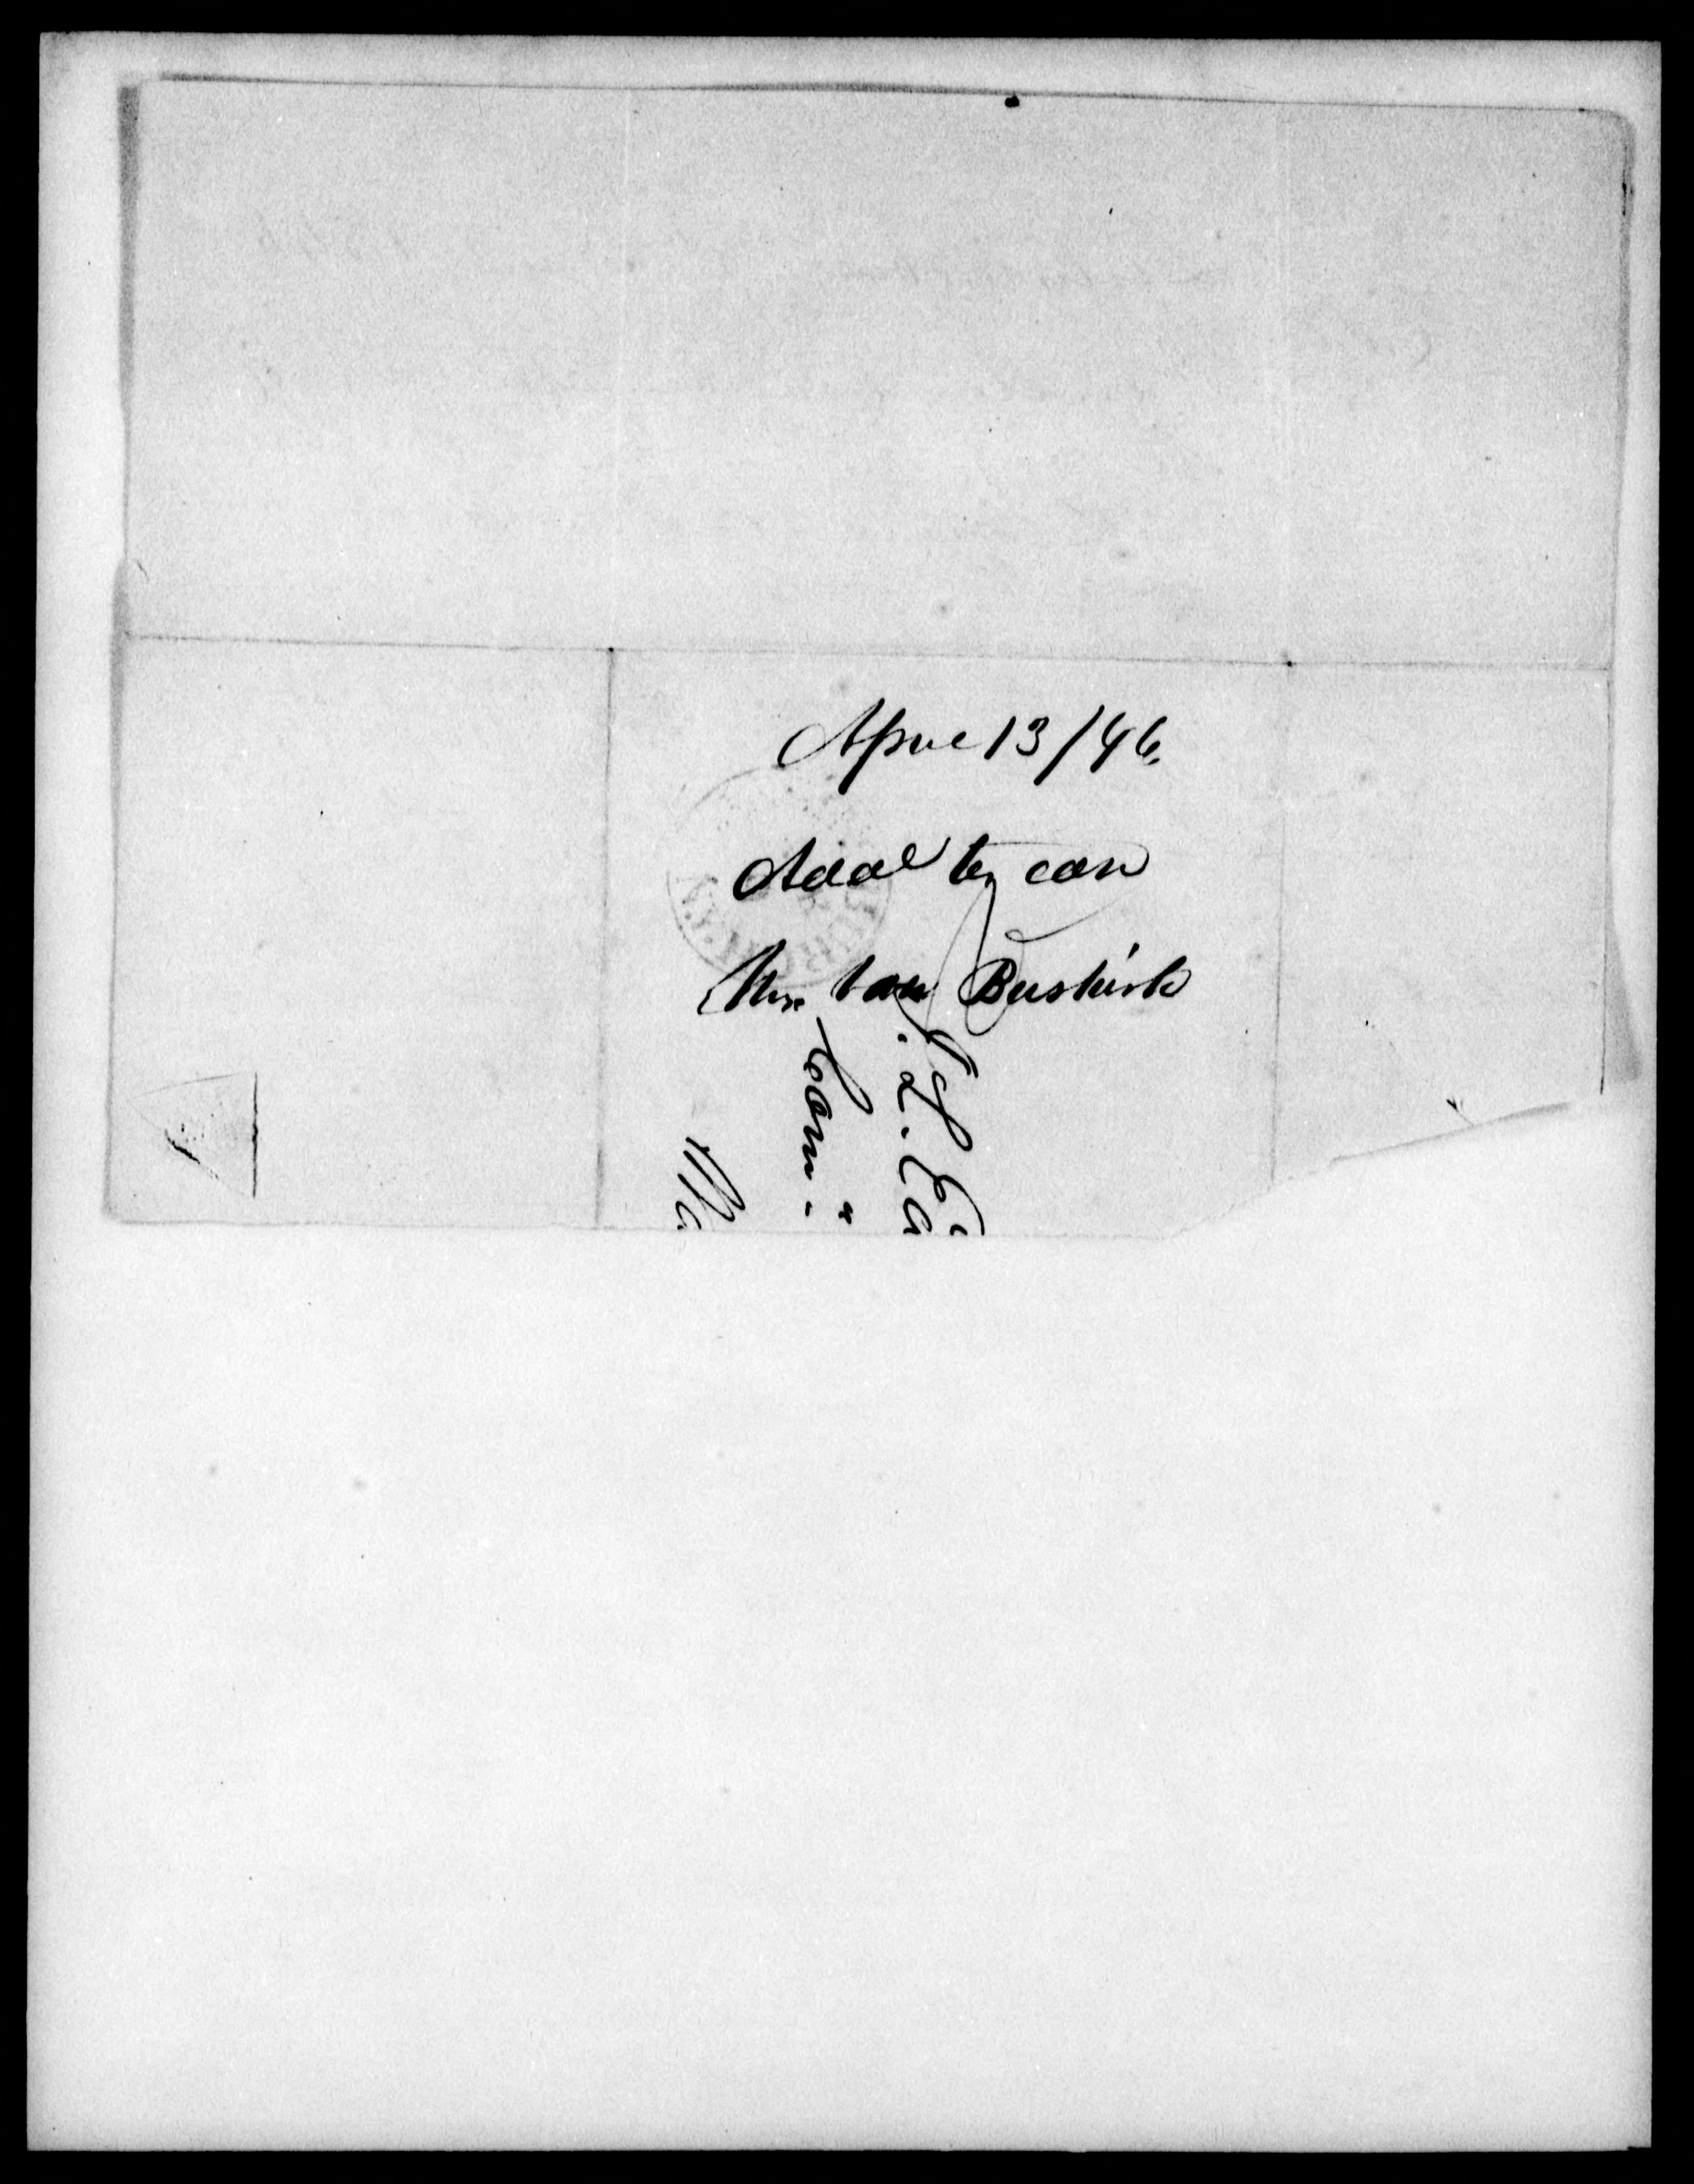[page is torn]

April 13 /46
seal by can
Mr Van Buskirk

[written vertically on page]
J. L. Edwards
Comr. of Pensions
[illegible]

[round stamp]
[illegible]BURG [illegible]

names: J L Edwards, Van Buskirk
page: 20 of 70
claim: rejected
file: R. 10,832, Martin Van Buskirk, New York.